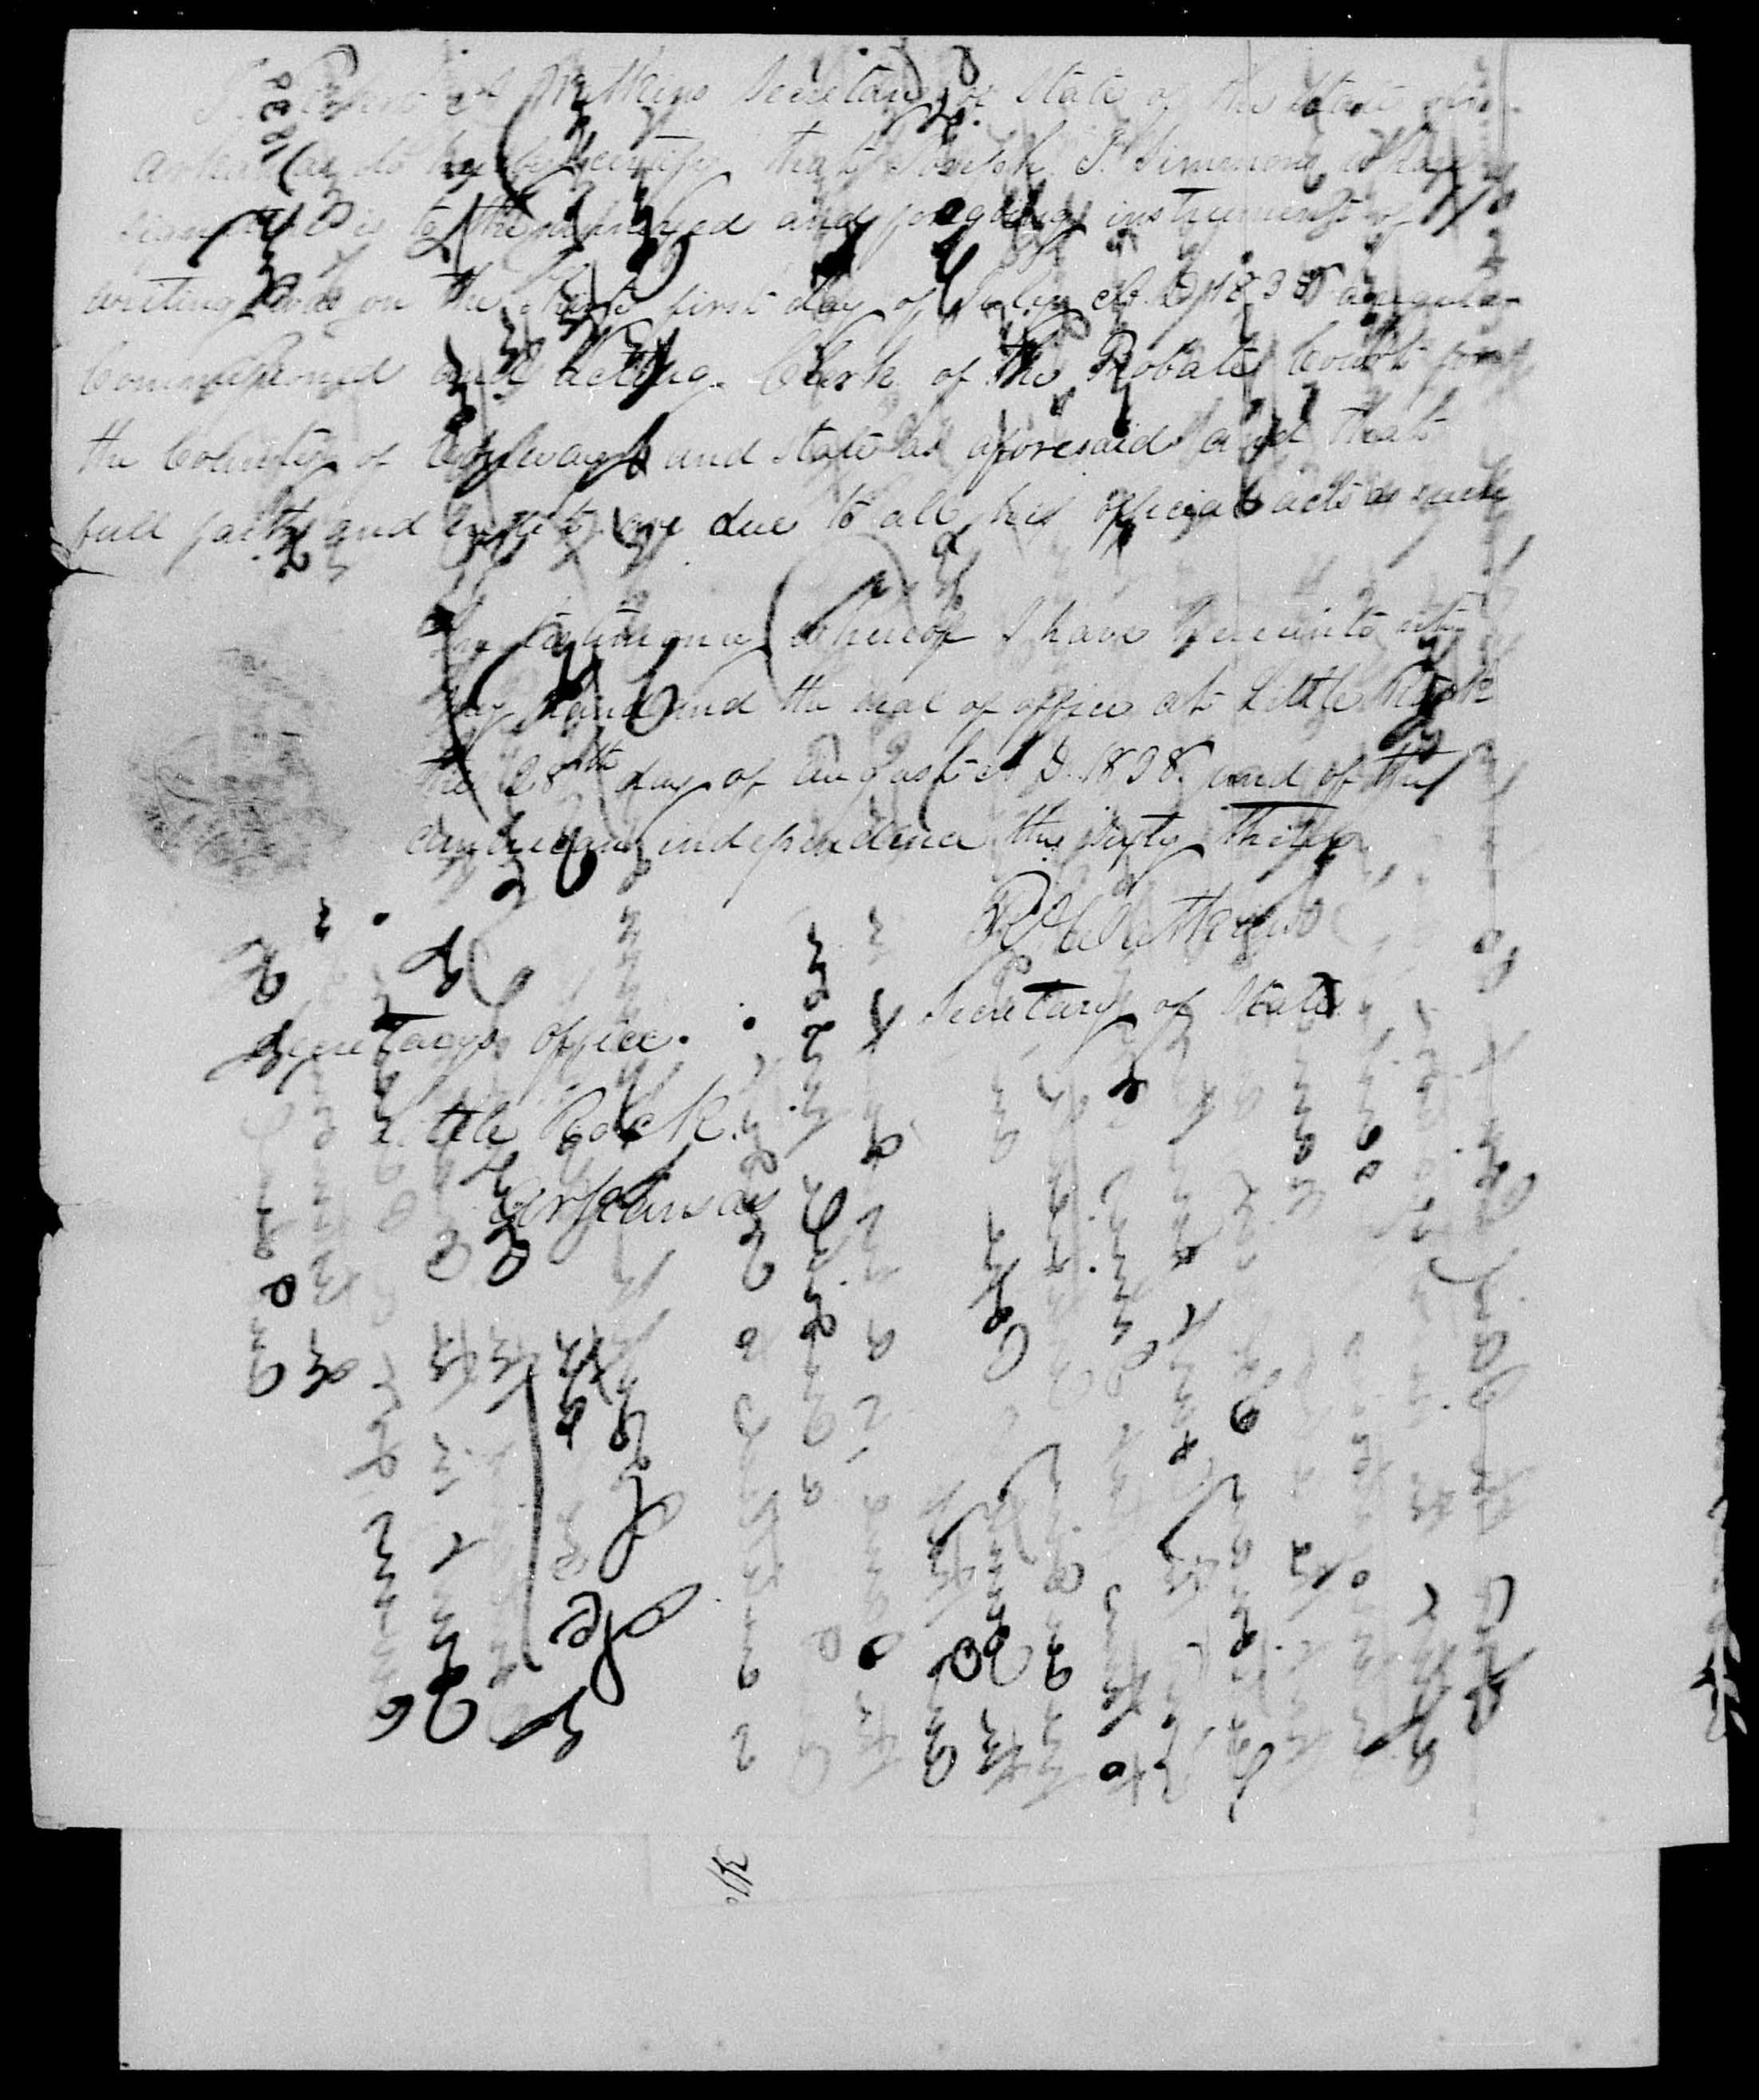I Robert A Wilkins Secretary of State of the State of Arkansas do hereby certify that Joseph J. Simmons who has signed [illegible] is to the [illegible] and foregoing instrument of writing was on the Thirty first day of July A. D. 1838 [illegible] Commissioned and acting Clerk of the Probate Court [illegible] the [illegible] of [illegible] and State as aforesaid and that full faith and credit are due to all his official acts as such 
In testimony whereof I have hereunto set my hand and the seal of office at Little Rock the 28th day of August A D. 1838. and of the [illegible] independence the sixty third
RA Watkins
Secretary of State
Secretarys Office
Little Rock.
Arkansas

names: R Watkins; Joseph J Simmons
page: 13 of 28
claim: rejected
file: R. 7846, for Benjamin Owens, South Carolina